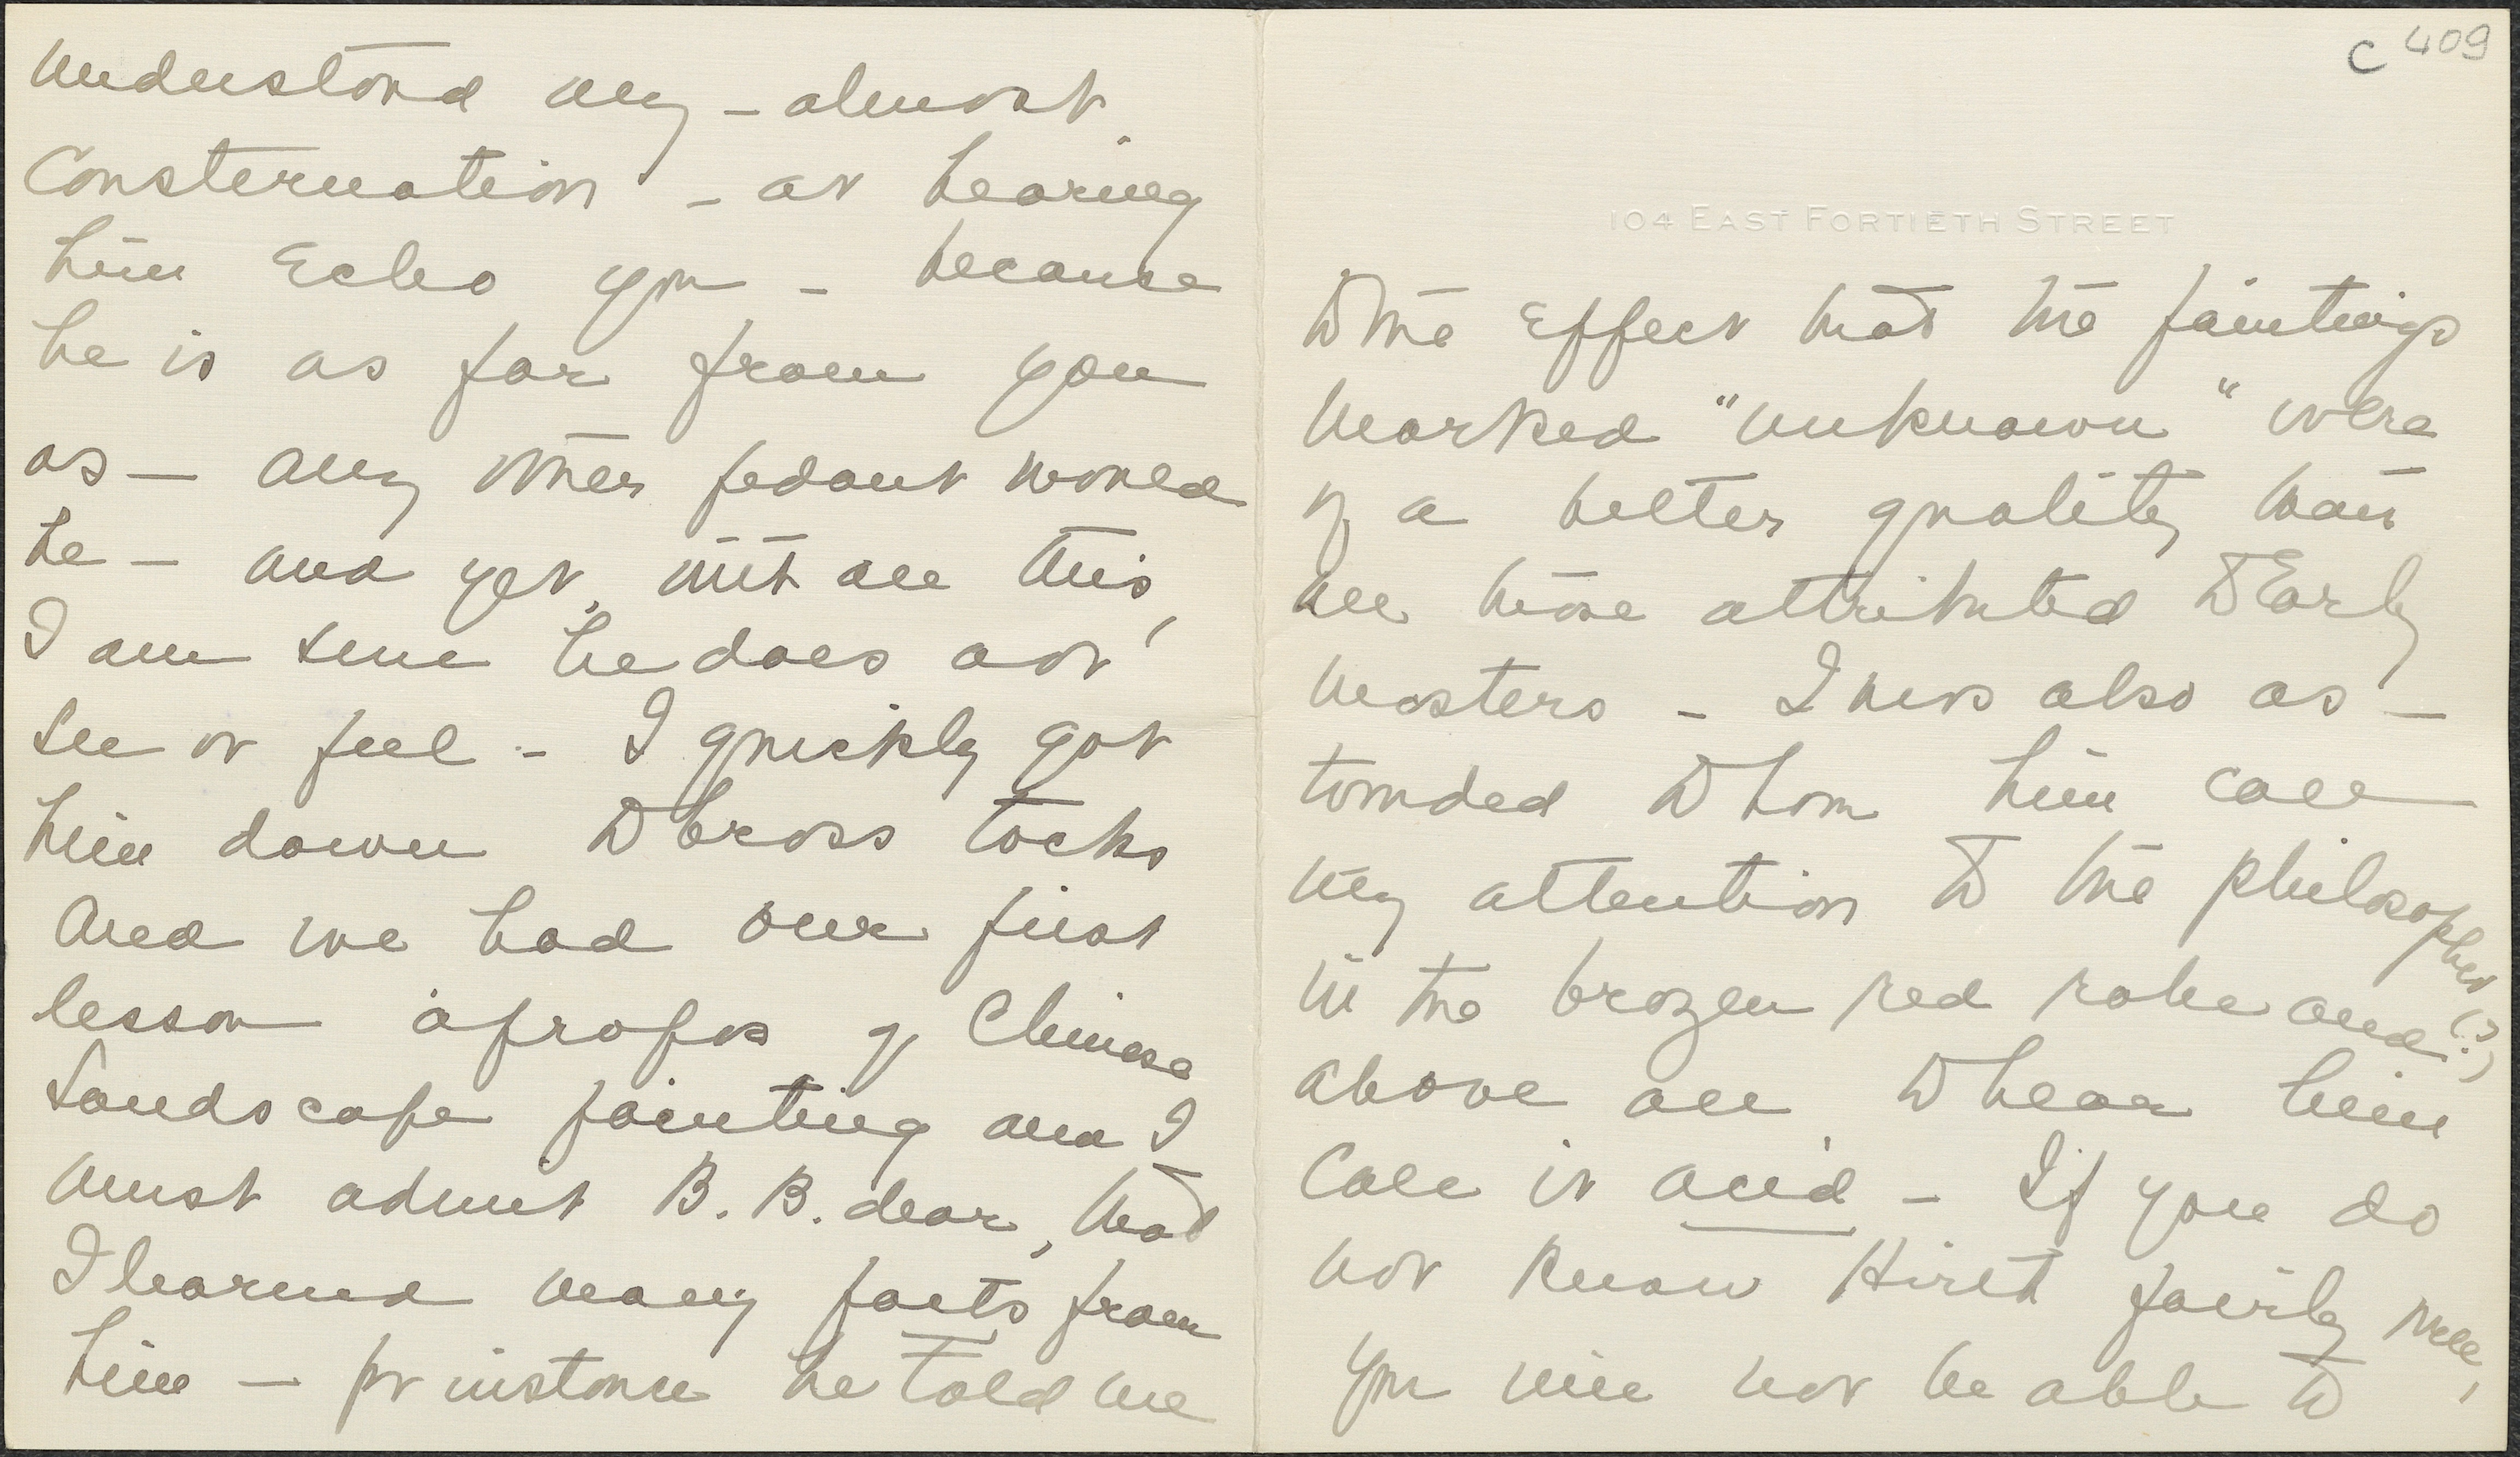to the effect that the paintings marked “unknown” were of a better quality than all those attributed to early masters – I was also astounded to have him call my attention to the philosopher (?) in the brazen red robe and above all to hear him call it acid – If you do not know Hirth fairly well, you will not be able to
understand my – almost consternation – at hearing him echo you – because he is as far from you as – any other pedantwould be – and yet, with all this, I am sure he does not see or feel – I quickly got him down to brass tacks and we had our first lesson apropos of Chinese landscape painting and I must admit B.B. dear, that I learned many facts from him – for instance he told me